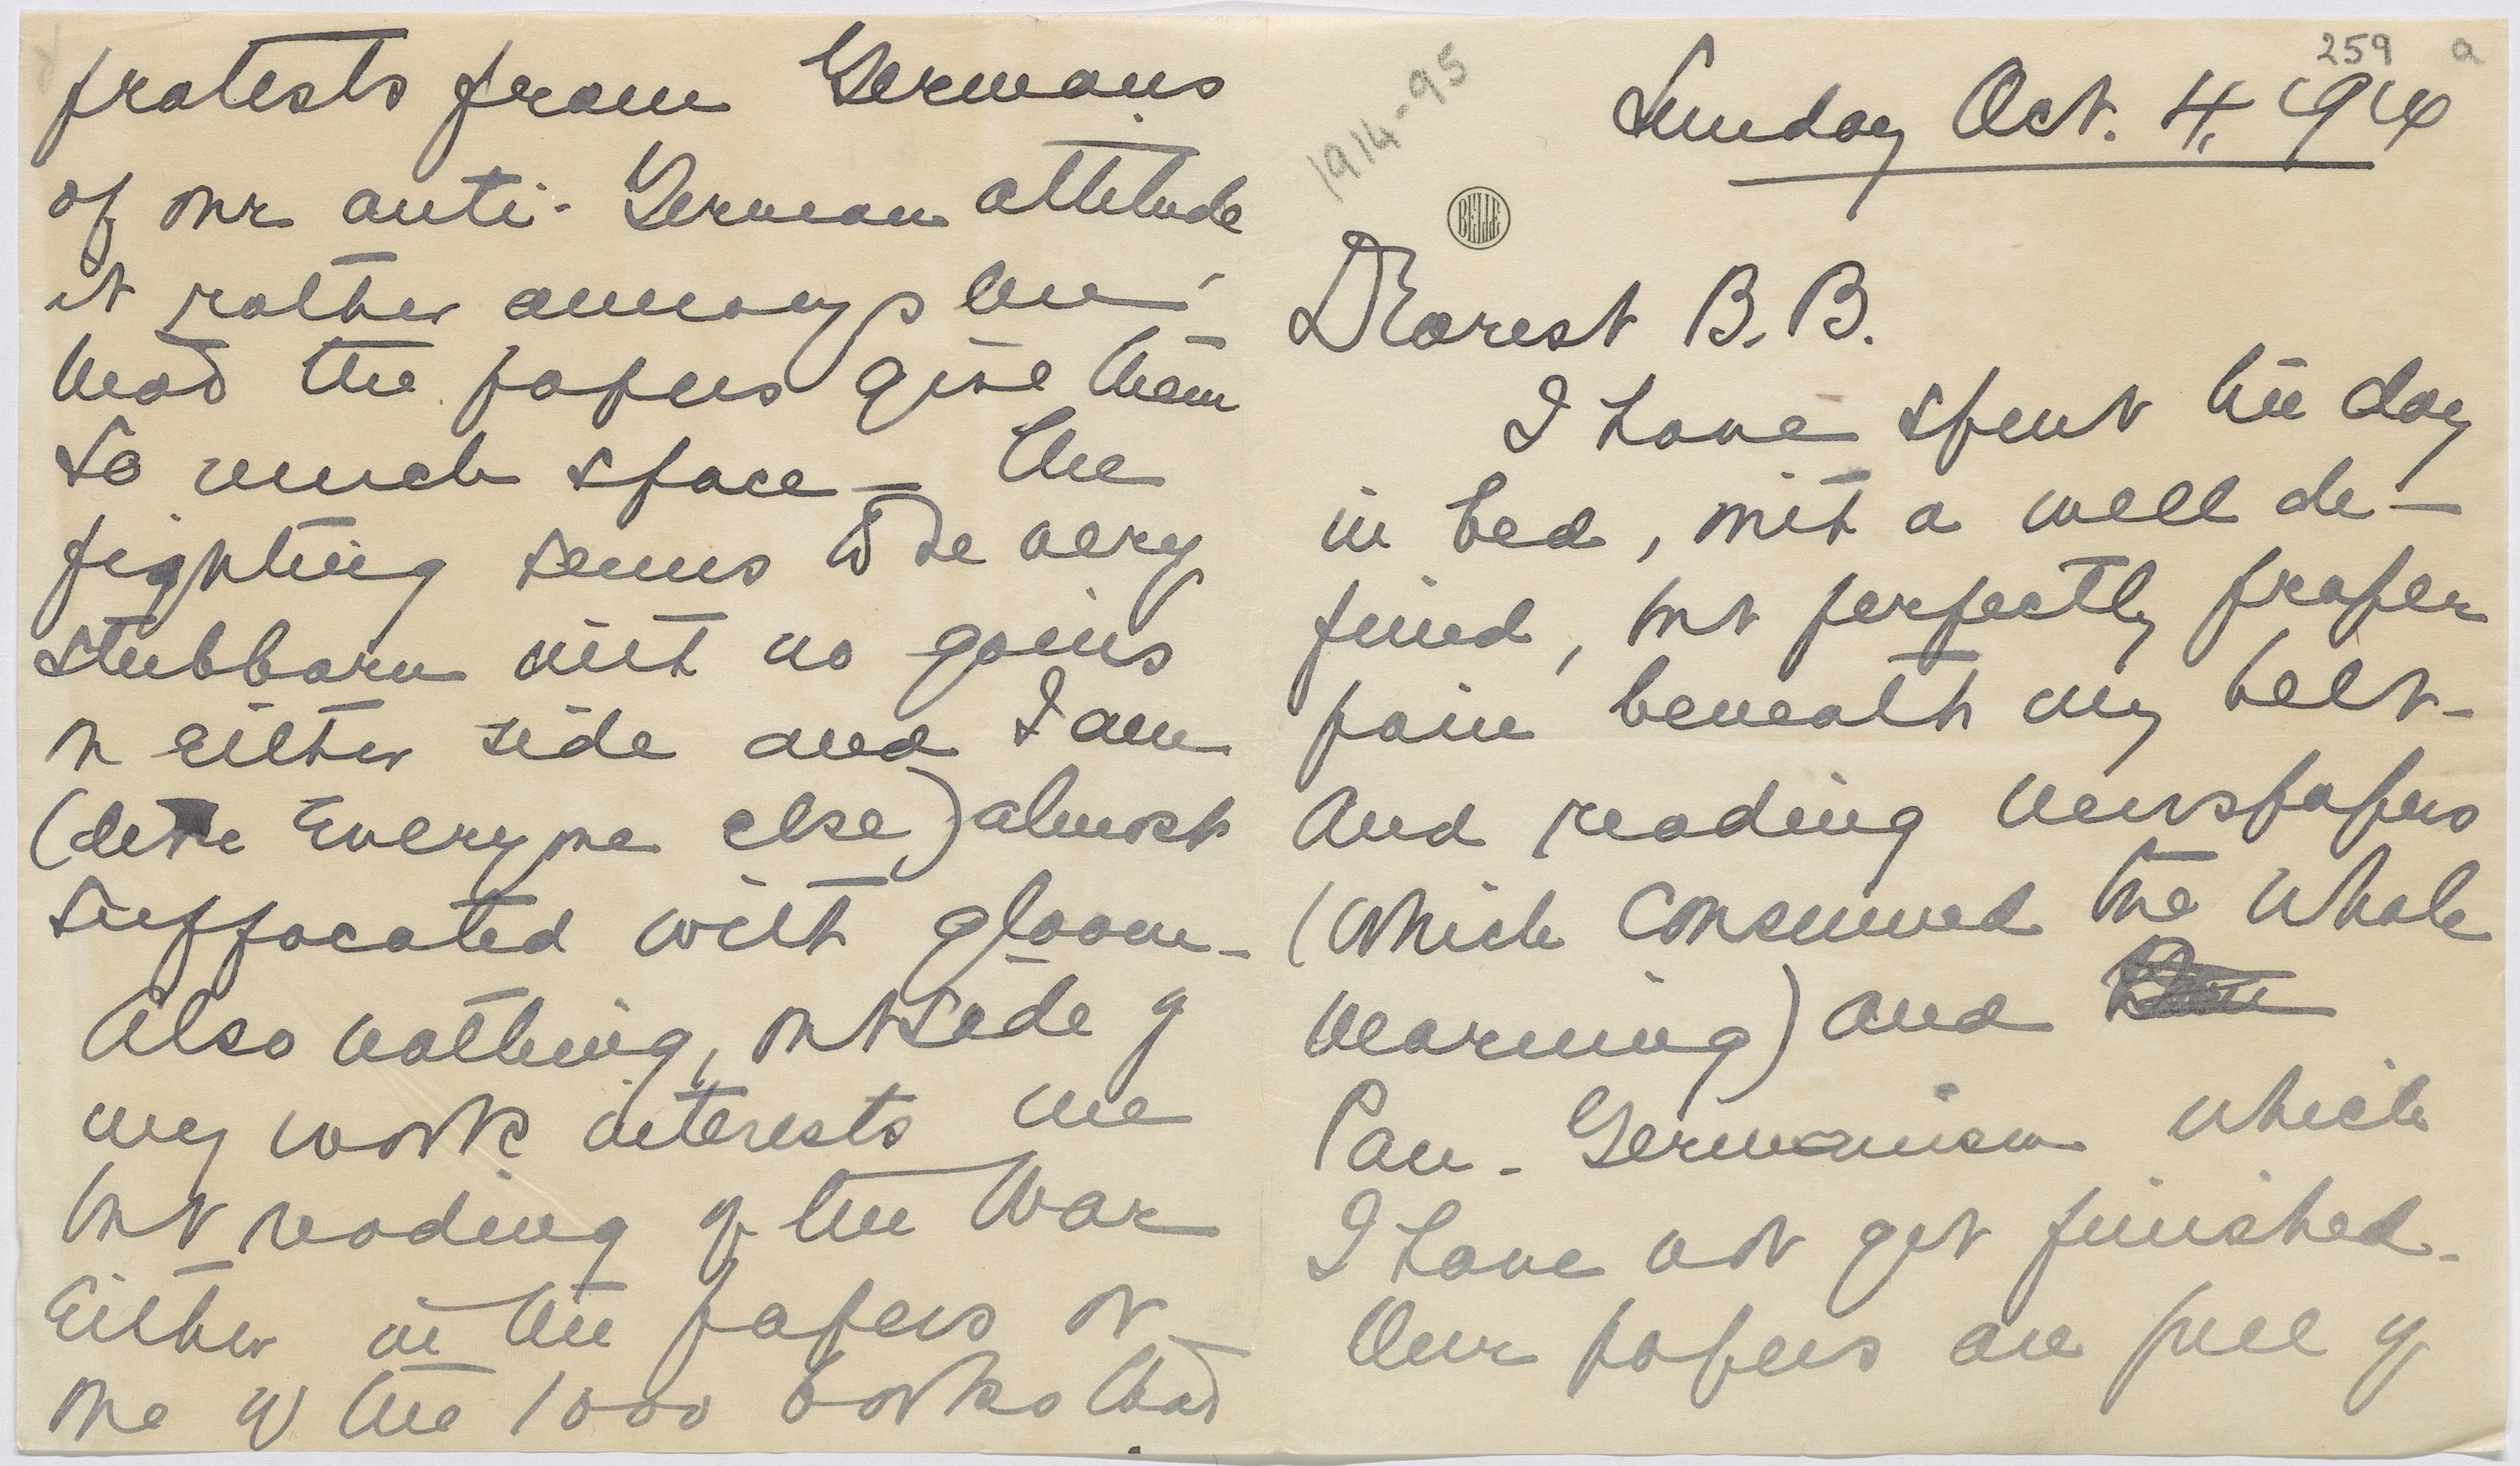Sunday Oct. 4, 1914
Dearest B.B.
I have spent the day in bed, with a well defined, but perfectly proper pain beneath my belt – And reading newspapers (which consumed the whole morning) and Dan Pan-Germanism which I have not yet finished.
Our papers are full of
protests from Germans of our anti-German attitude, it rather annoys me that the papers give them so much space – The fighting seems to be very stubborn with no gains on either side and I am (like everyone else) almost suffocated with gloom –
Also nothing outside of my work interests me but reading of the War either in the papers or one of the 1000 books that